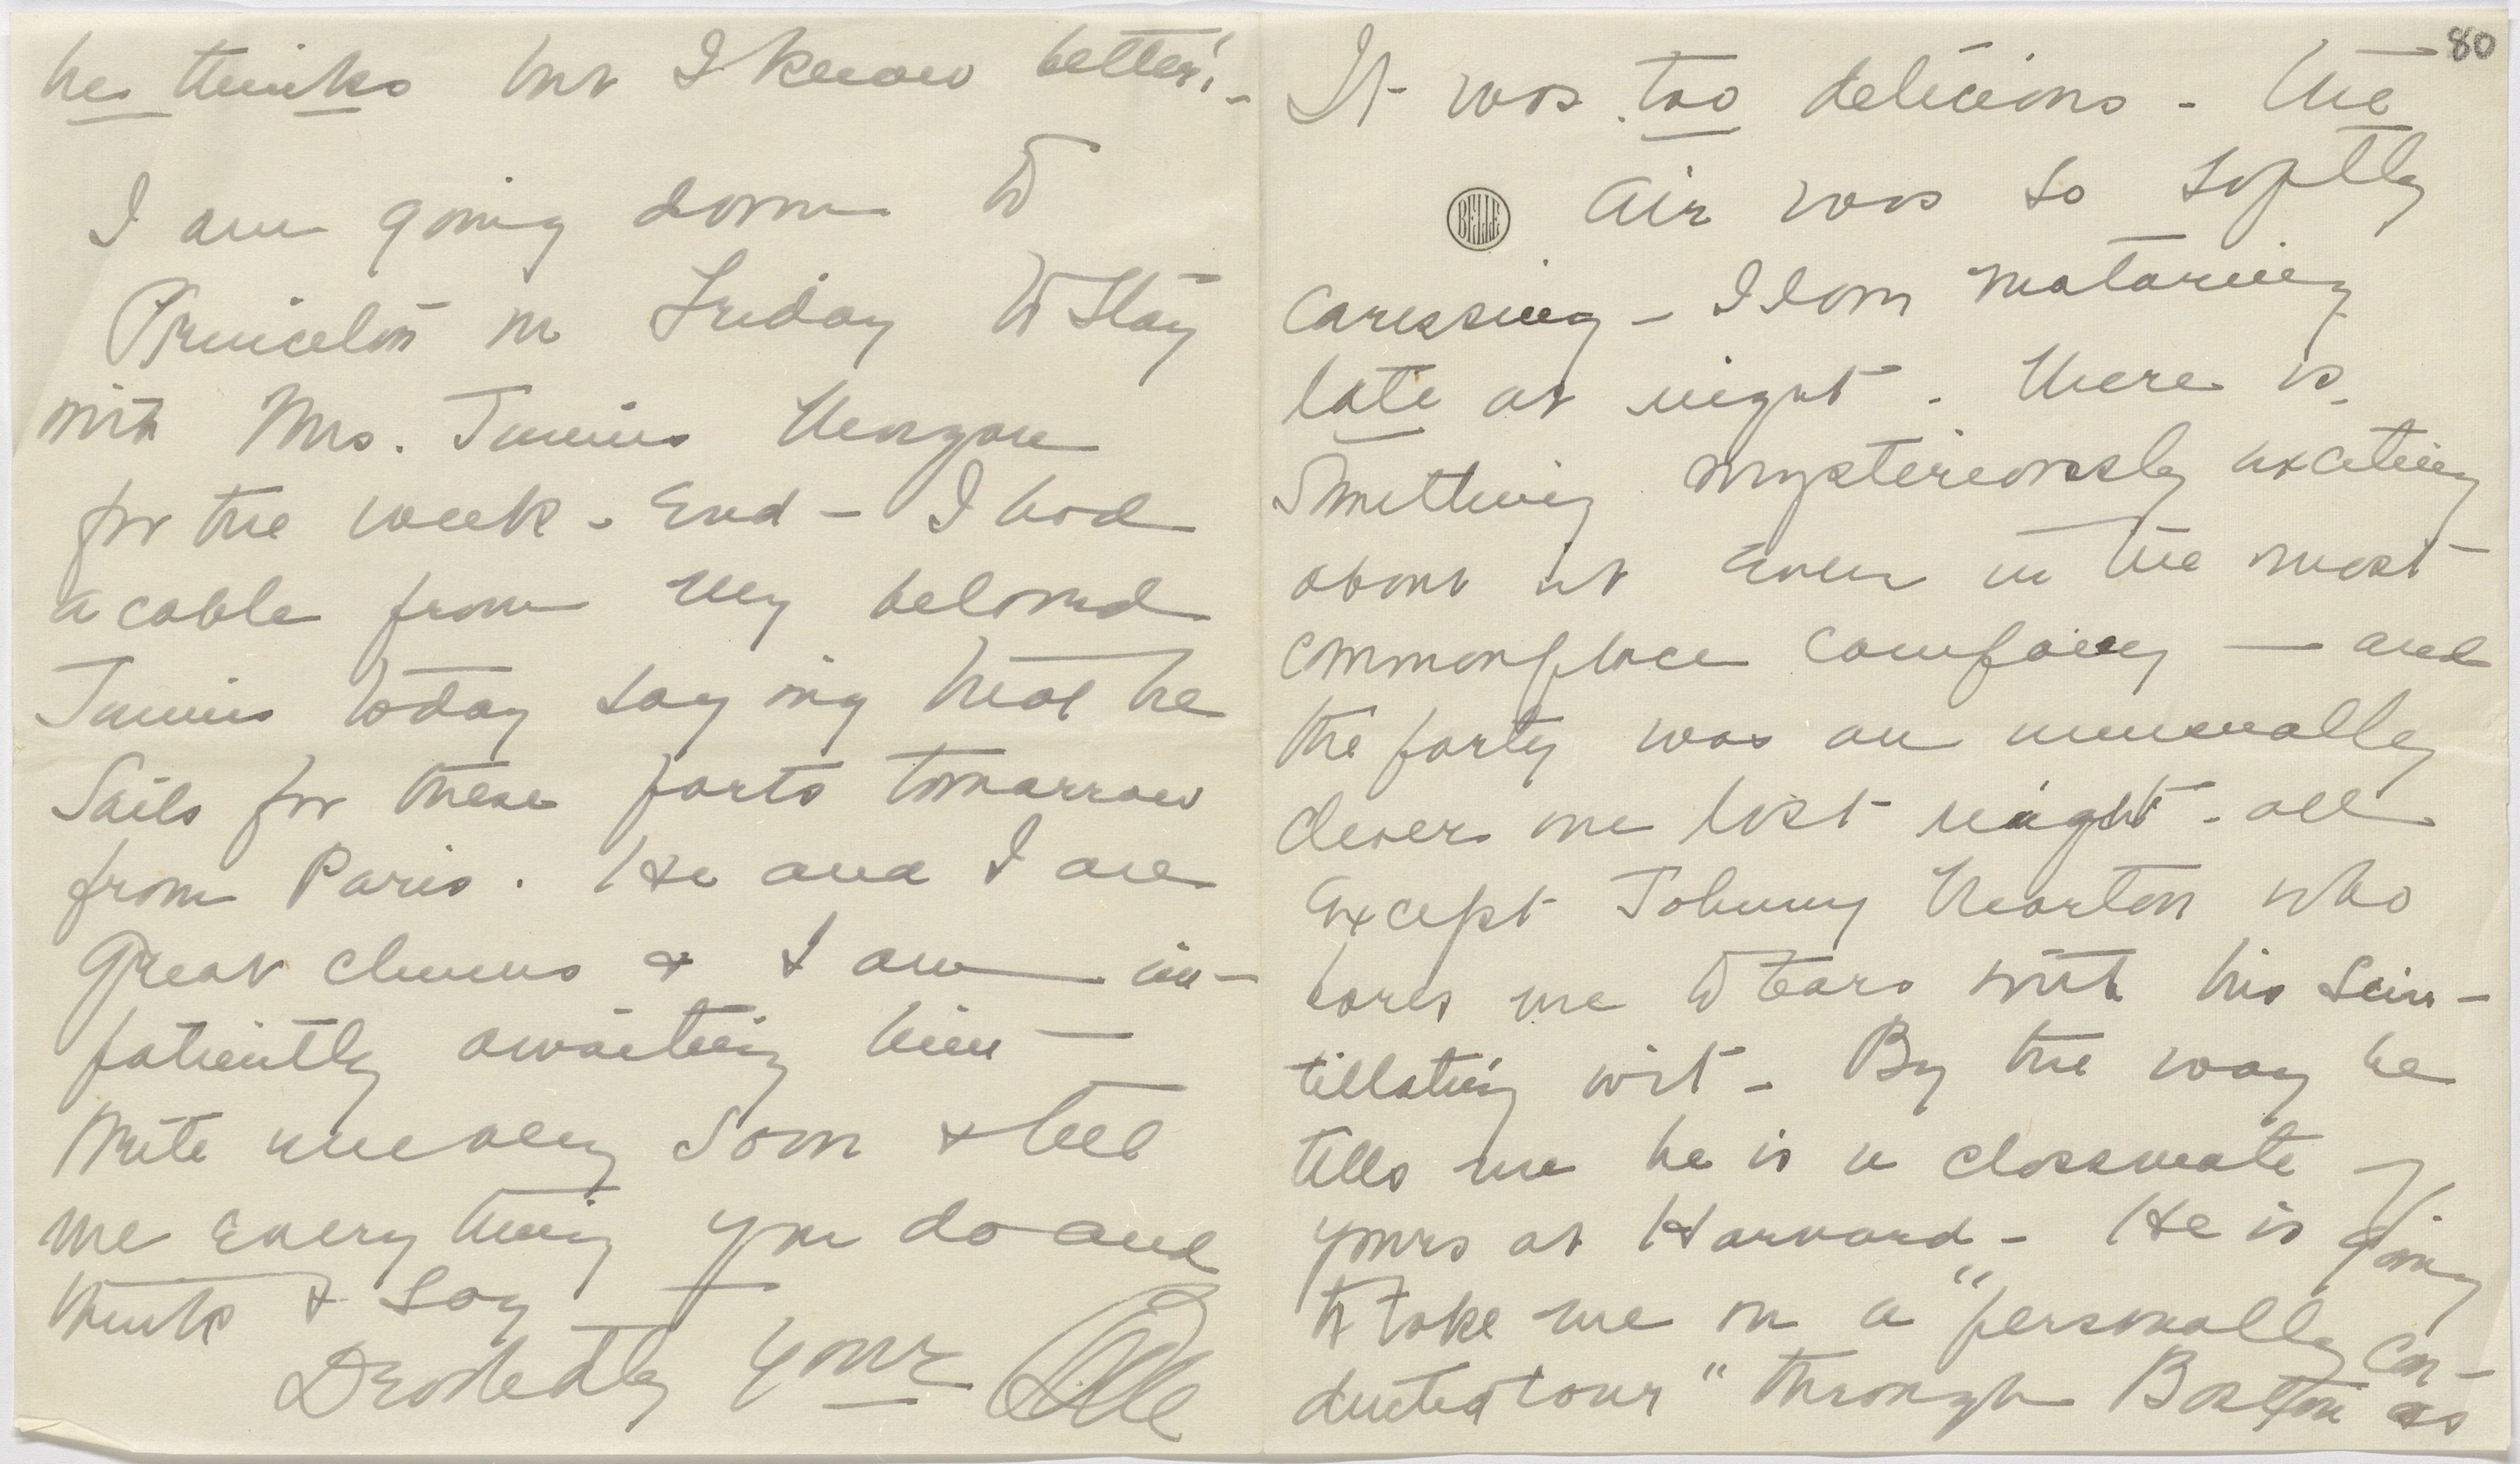It was too delicious – The air was so softly caressing – I love motoring late at night. There is something mysteriously exciting about it even in the most commonplace company – and the party was an unusually clever one last night, all except Johnny Morton who bores me to tears with his scintillating wit – By the way he tells me he is a classmate of yours at Harvard – He is going to take me on a “personally conducted tour” through Boston as
he thinks but I know better! –
I am going down to Princeton on Friday to stay with Mrs. Junius Morgan for the week-end – I had a cable from my beloved Junius today saying that he sails for these parts tomorrow from Paris. He and I are great chums & I am impatiently awaiting him –
Write me very soon & tell me every thing you do and think & say –
Devotedly your Belle